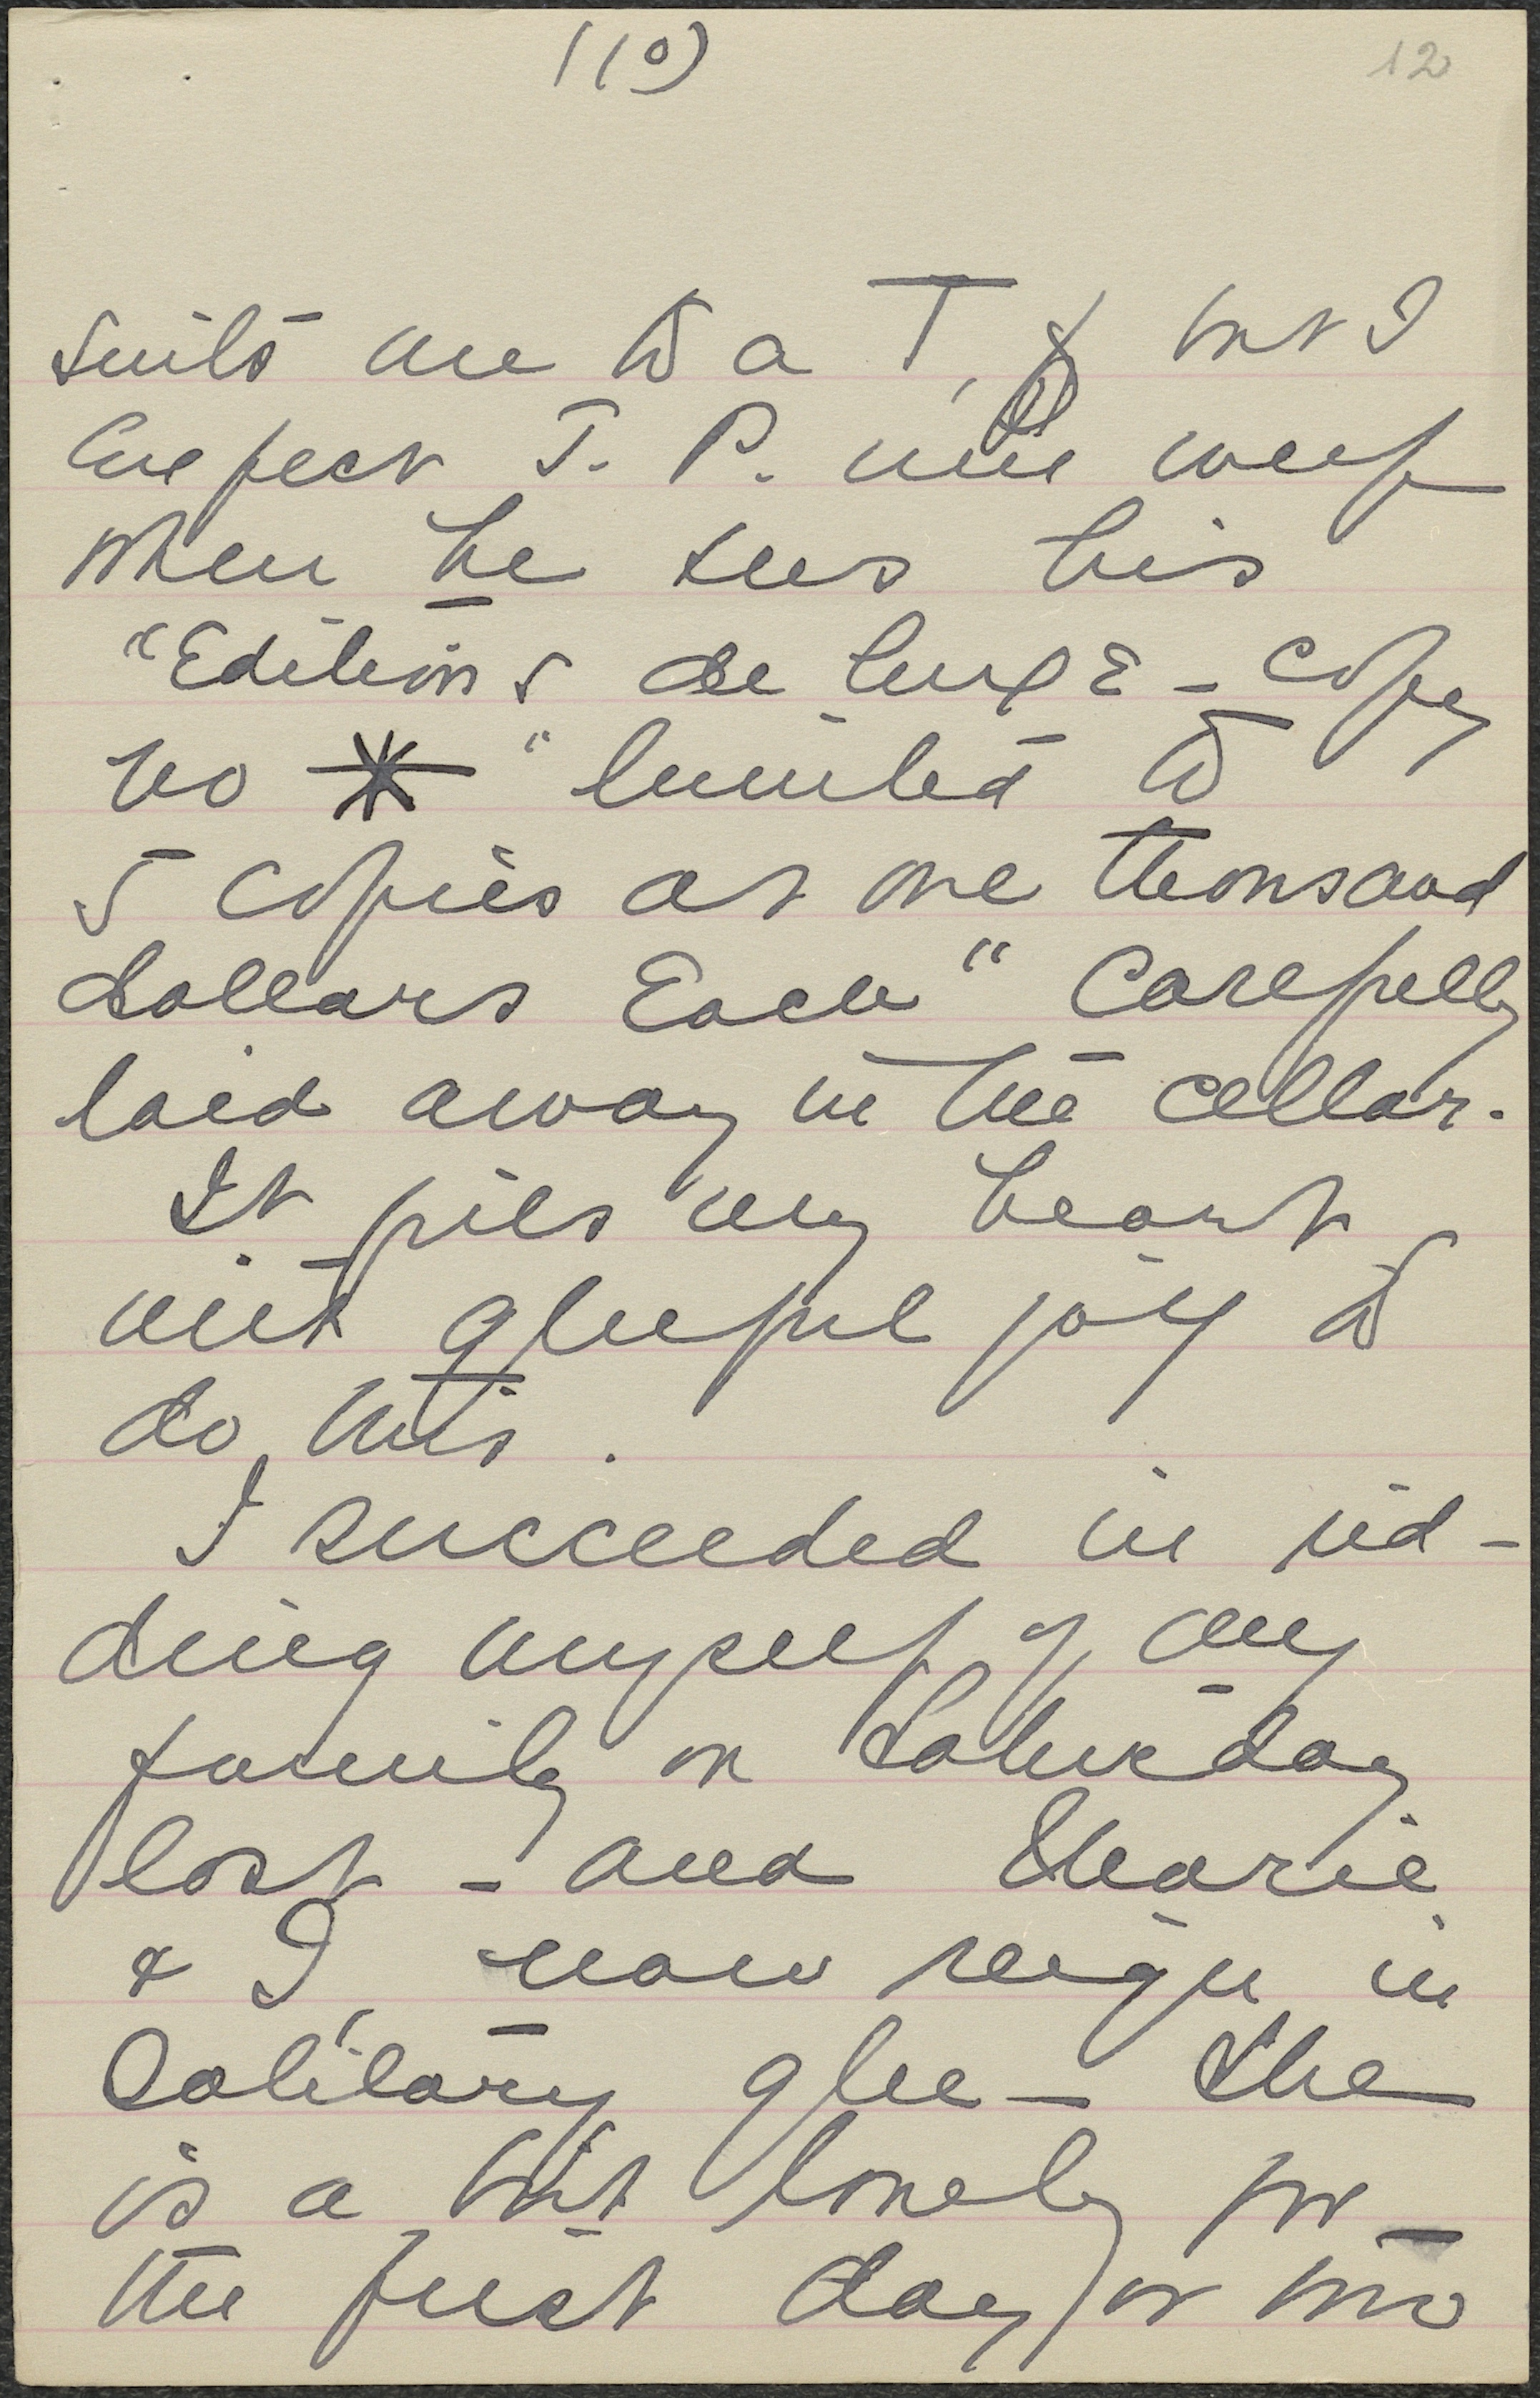(10)
suits me to a T, f but I expect J. P. will weep when he sees his “Editions de luxe – copy no *” limited to 5 copies at one thousand dollars each” carefully laid away in the cellar. It fils [sic] my heart with gleeful joy to do this.
I succeeded in ridding myself of my family on Saturday last – and Marie & I now reign in solitary glee – She is a bit lonely for the first day or two